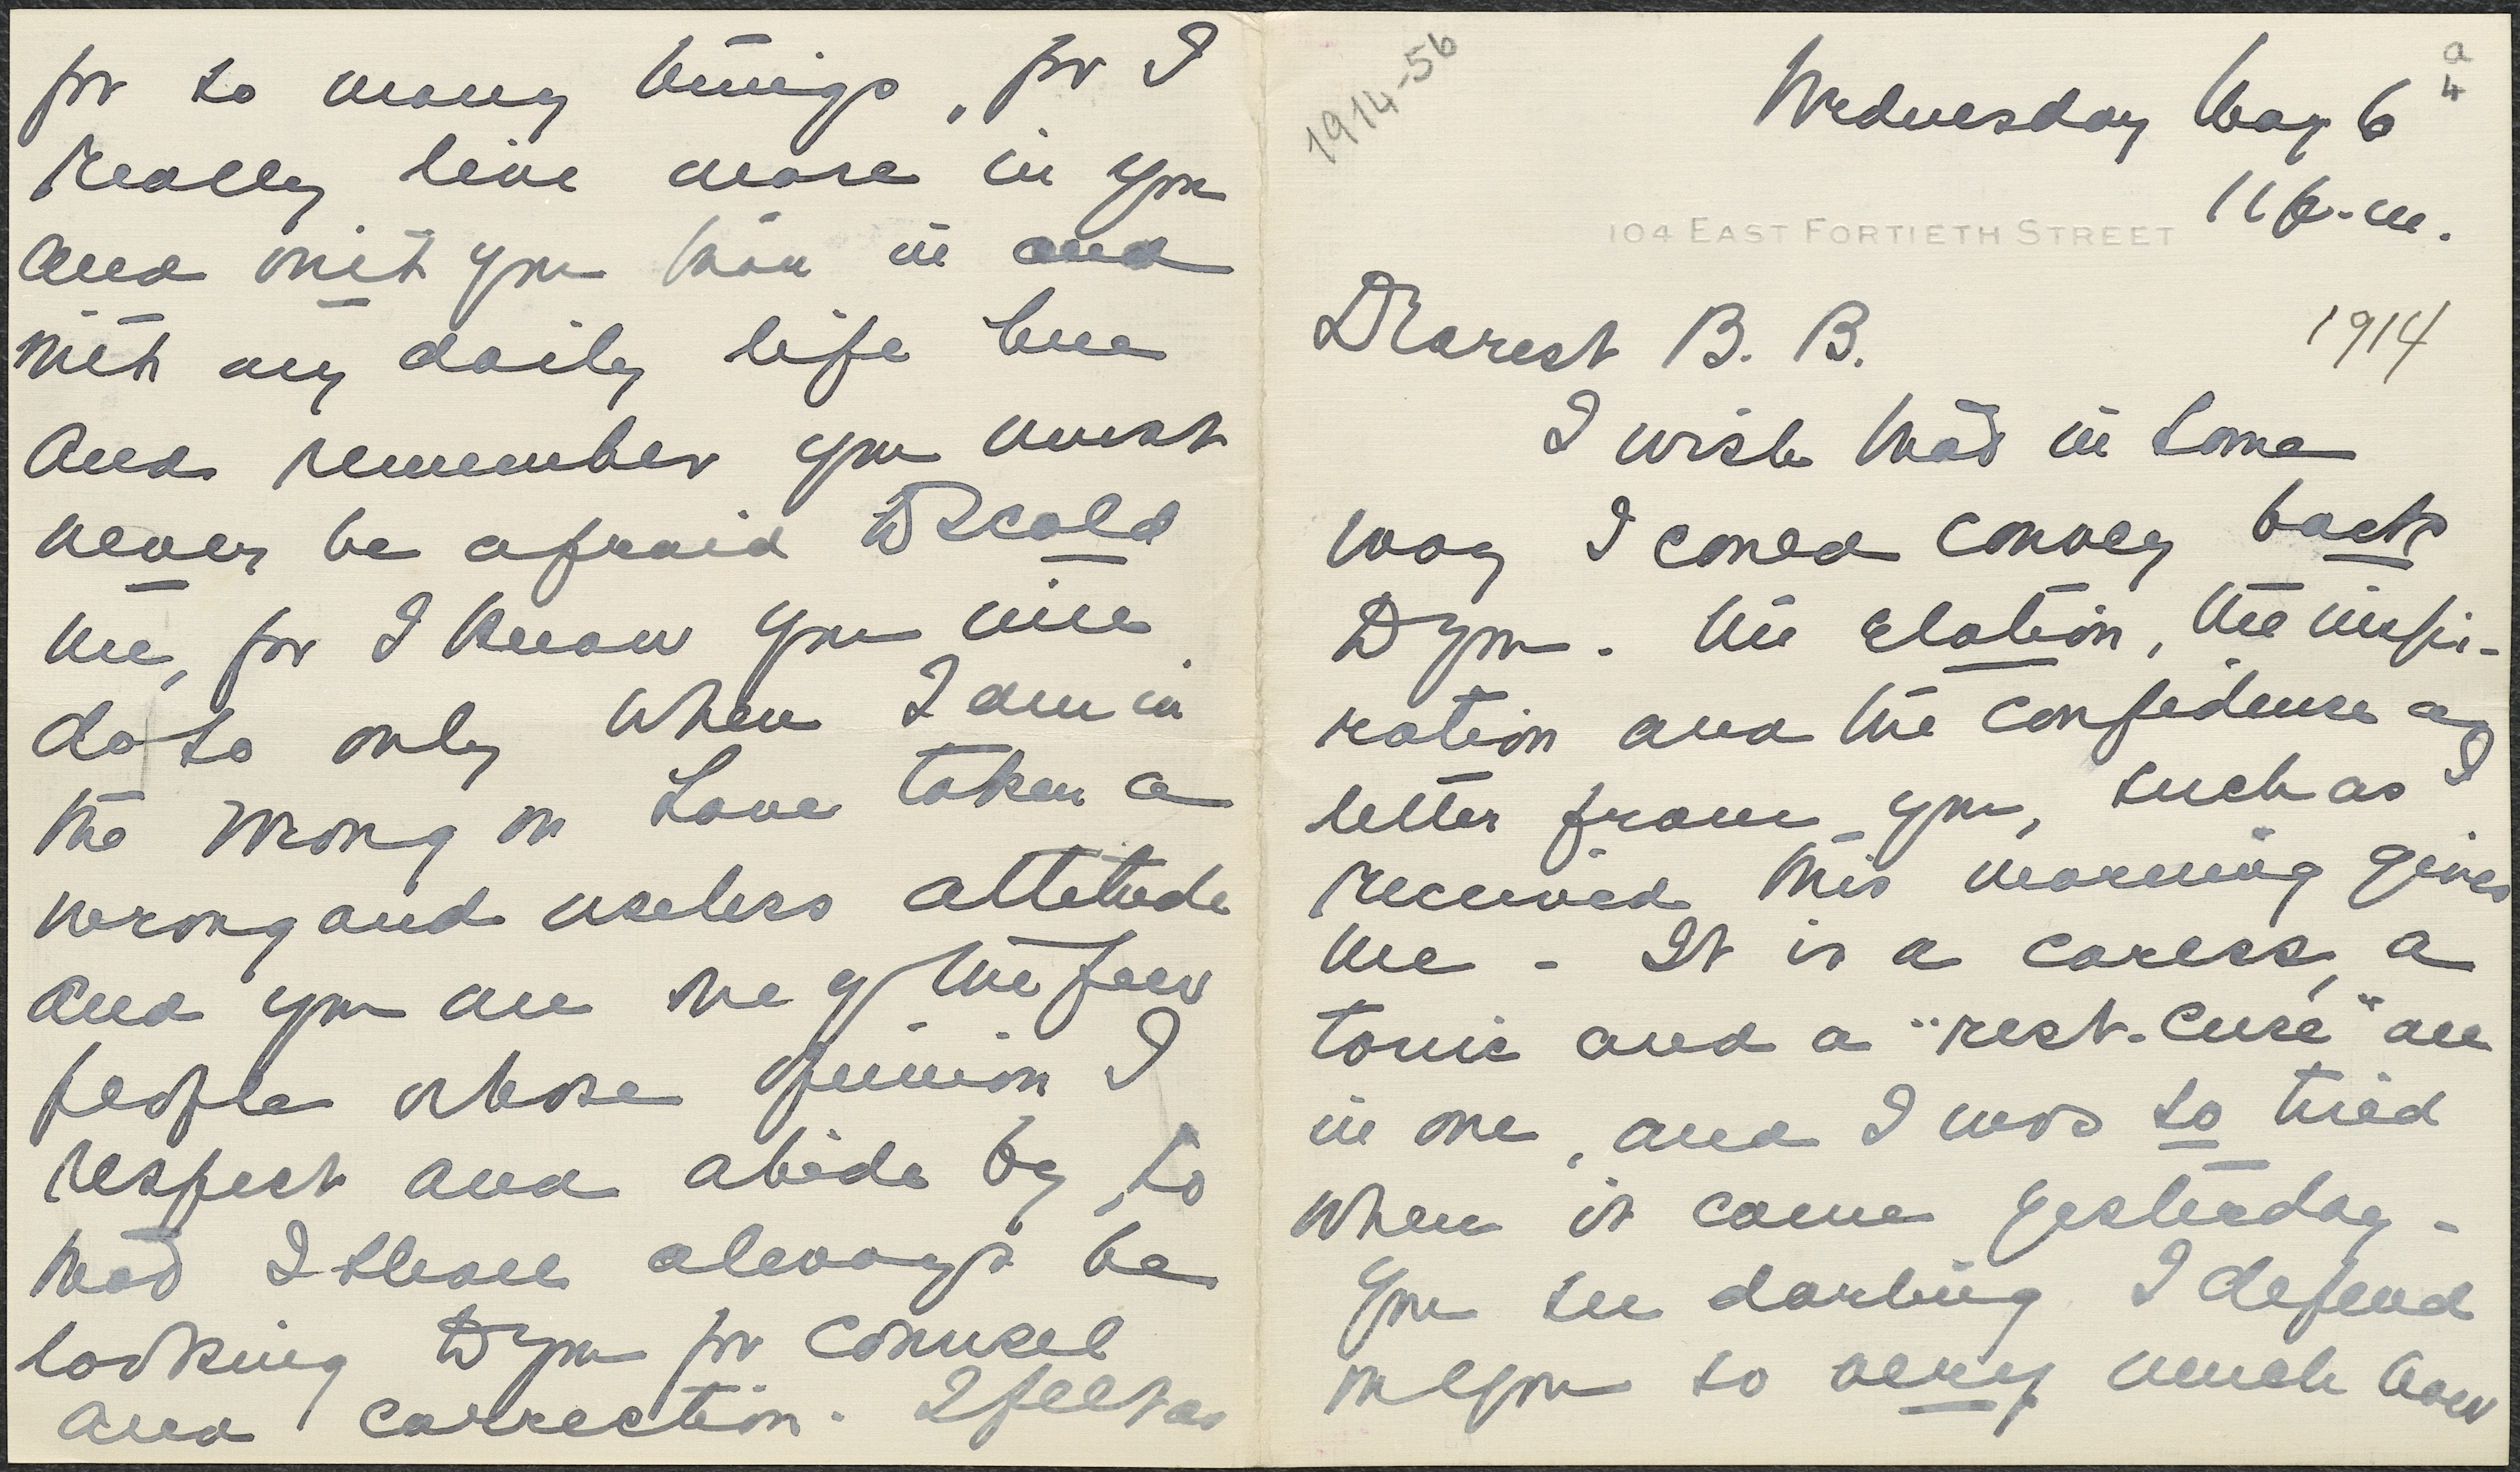Wednesday, May 6
11p.m.
Dearest B.B.
I wish that in some way I could convey back to you – the elation, the inspiration and the confidence a letter from you, such as I received this morning gives me – It is a caress, a tonic and a "rest-cure" all in one, and I was so tired when it came yesterday –
You see darling I depend on you so very much now
for so many things, for I really live more in you and with you than in and with any daily life here And remember you must never be afraid to scold me, for I know you will do so only when I am in the wrong or have taken a wrong and useless attitude and you are one of the few people whose opinion I respect and abide by, so that I shall always be looking to you for counsel and correction. I feel as